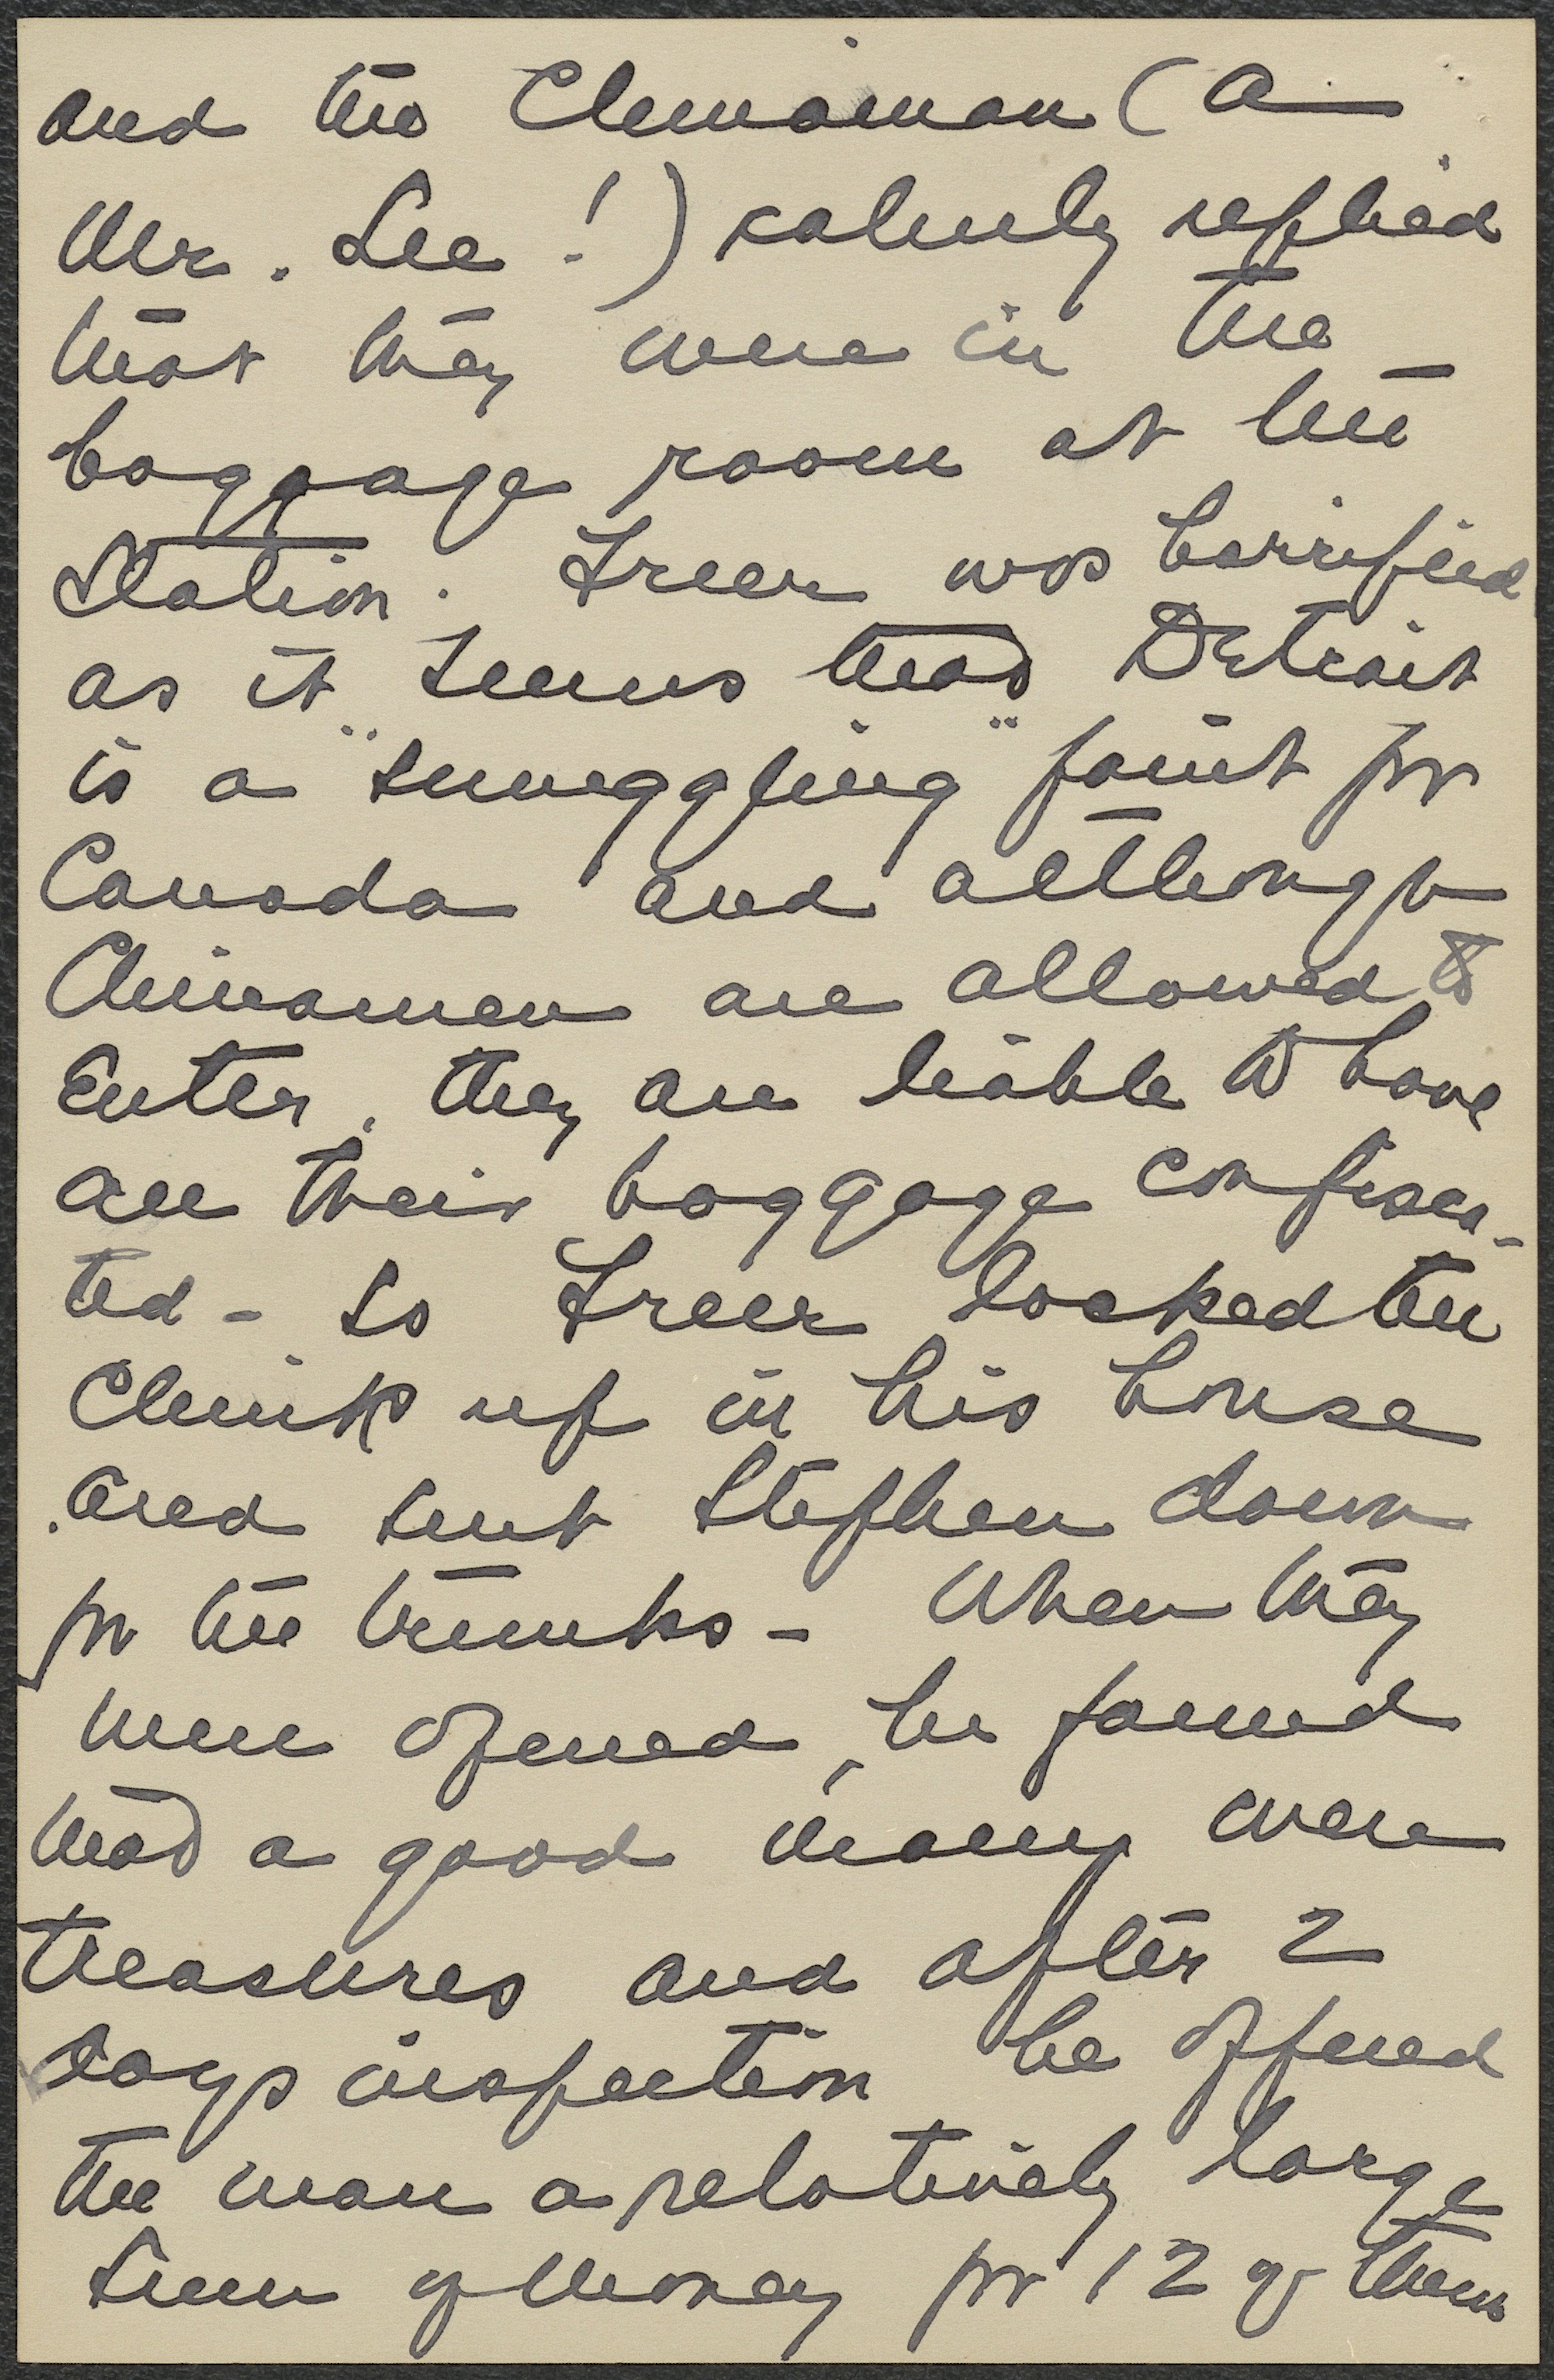and the Chinaman (a Mr. Lee!) calmly replied that they were in the baggage room at the station. Freer was horrified as it seems that Detroit is a “smuggling” point for Canada and although Chinamen are allowed to enter, they are liable to have all their baggage confiscated – so Freer locked the Chink up in his house and sent Stephen down for the trunks – When they were opened, he found that a good many were treasures and after 2 days inspection he offered the man a relatively large sum of money for 12 of them